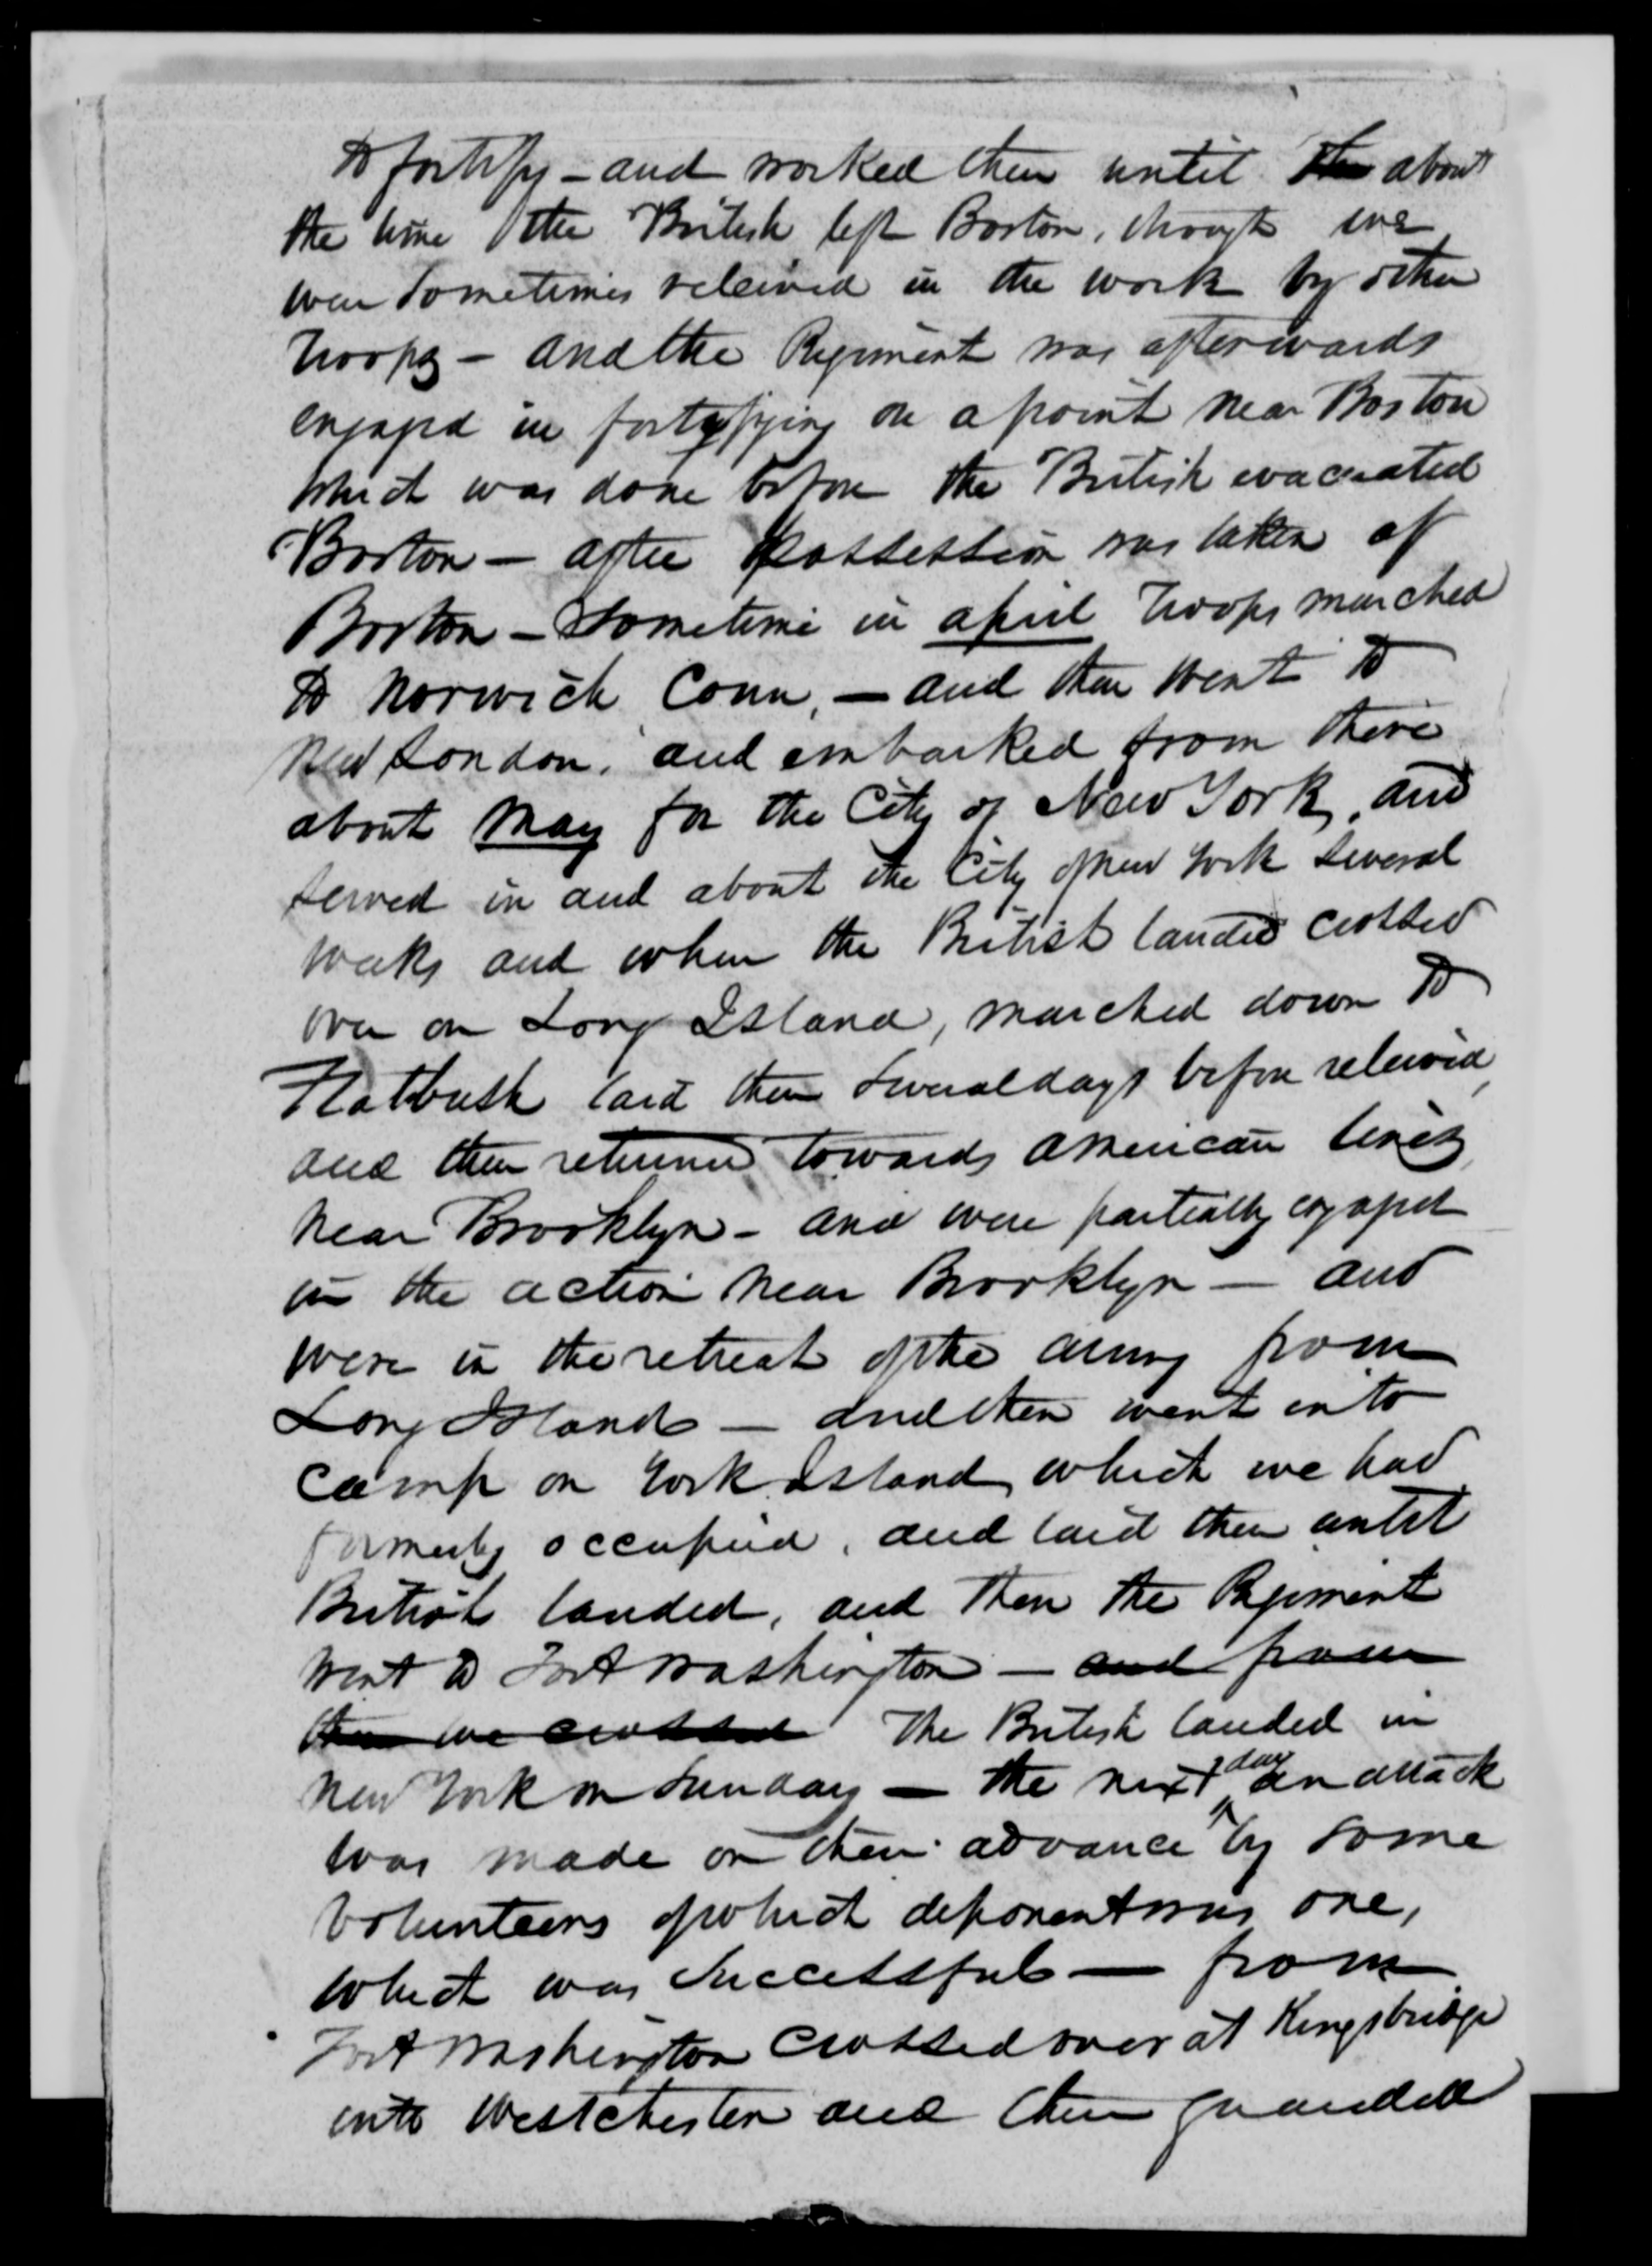to fortify and worked them until about the time the British left Boston, thought we were sometimes relieved in the work by other troops __ and the Regiment was afterwards engaged in fortifying on a point near Boston which was done before the British evacuated Boston.  After possession was taken of Boston. Sometime in April troops marched to Norwich Conn. and then went to New London, and embarked from there about May for the City of New York, and served in and about the City of New York several works and when the British landed crossed were on Long Island, marched down to Flatbush and then several days before relieved, and then returned towards Americans living near Brooklyn, and were partially engaged in the action near Brooklyn, and were in the retreat of the army from Long Island. And then went into camp on Cork Island which we had formerly occupied, and said then until British landed and then the Regiment went to Fort Washington. The British landed in New York on Sunday, the next day an attack was made on their advance by some volunteers of which deponent was one, which was successful from Fort Washington crossed over at Kiingsbridge into Westchester and then guarded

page: 10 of 63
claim: widow's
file: W. 22,632, David Williams, Conn. Continental Privateer